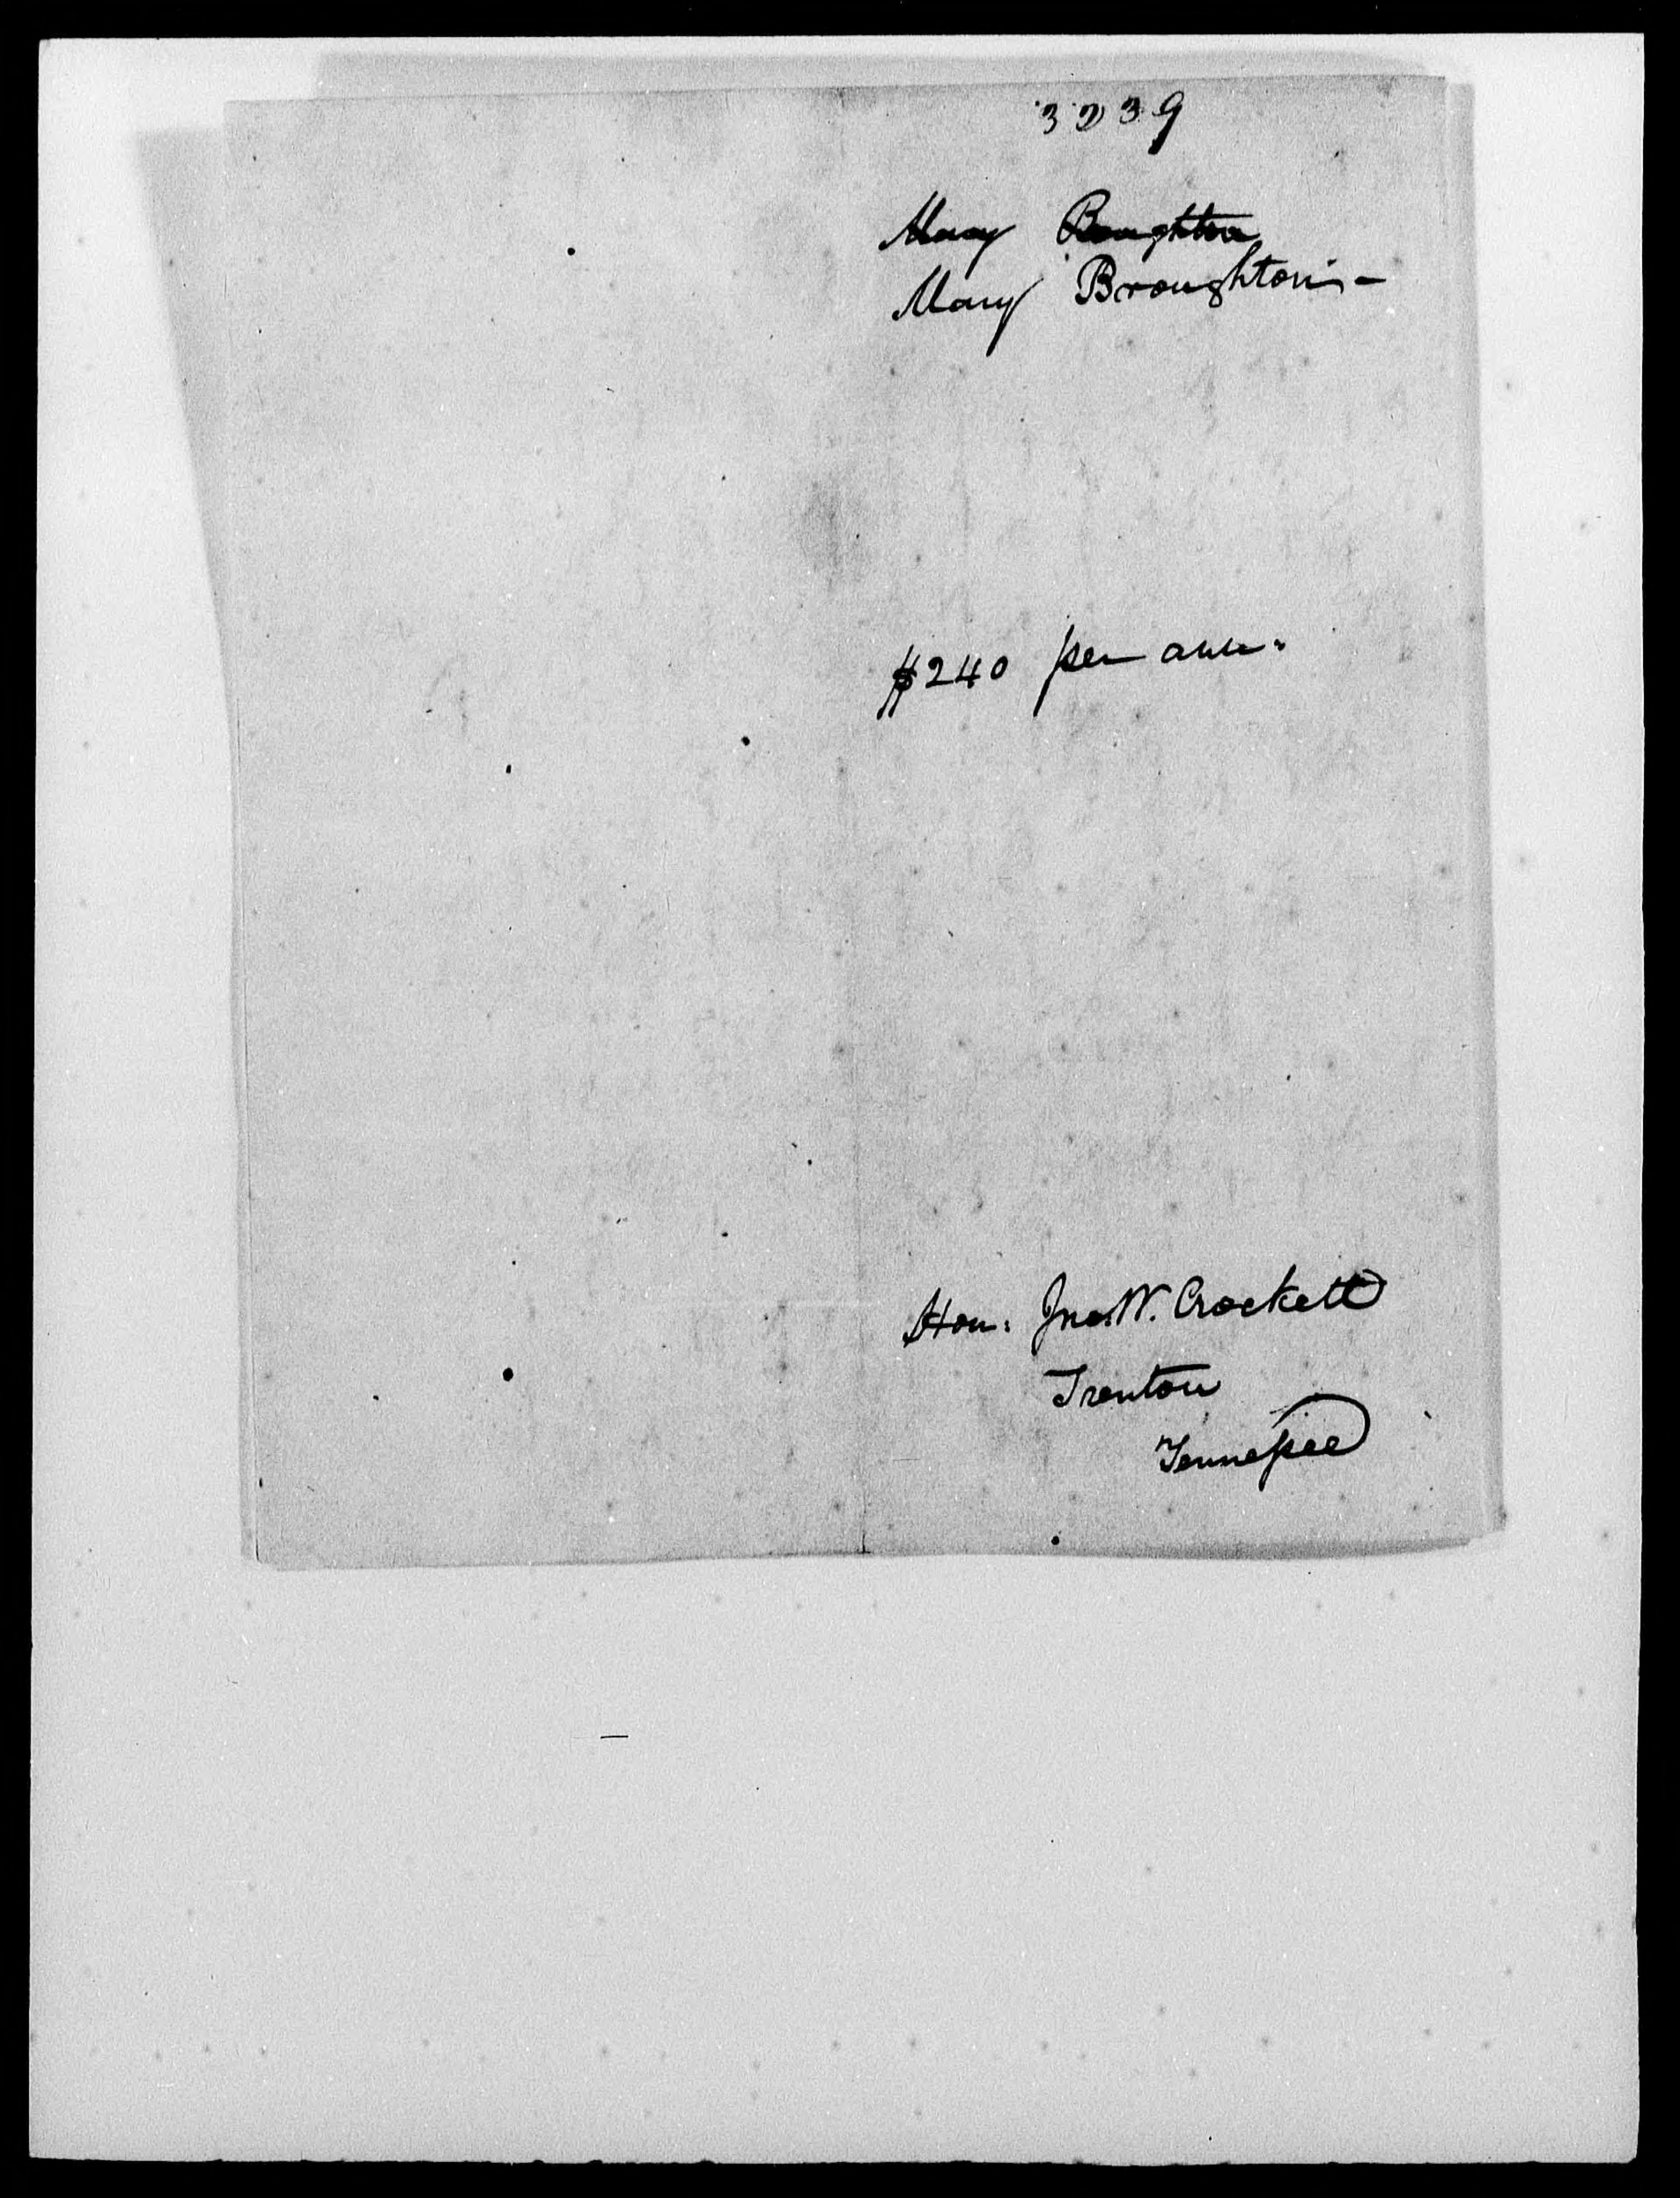3239
[the name Mary Broughton crossed out]
Mary Broughton
$240 per ann.
Hon  Jno W. Crockett
Trenton
Tennessee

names: Mary Broughton, Mary Broughton, Jno W Crockett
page: 53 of 72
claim: widow's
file: W. 897, Thomas Broughton, S.C.